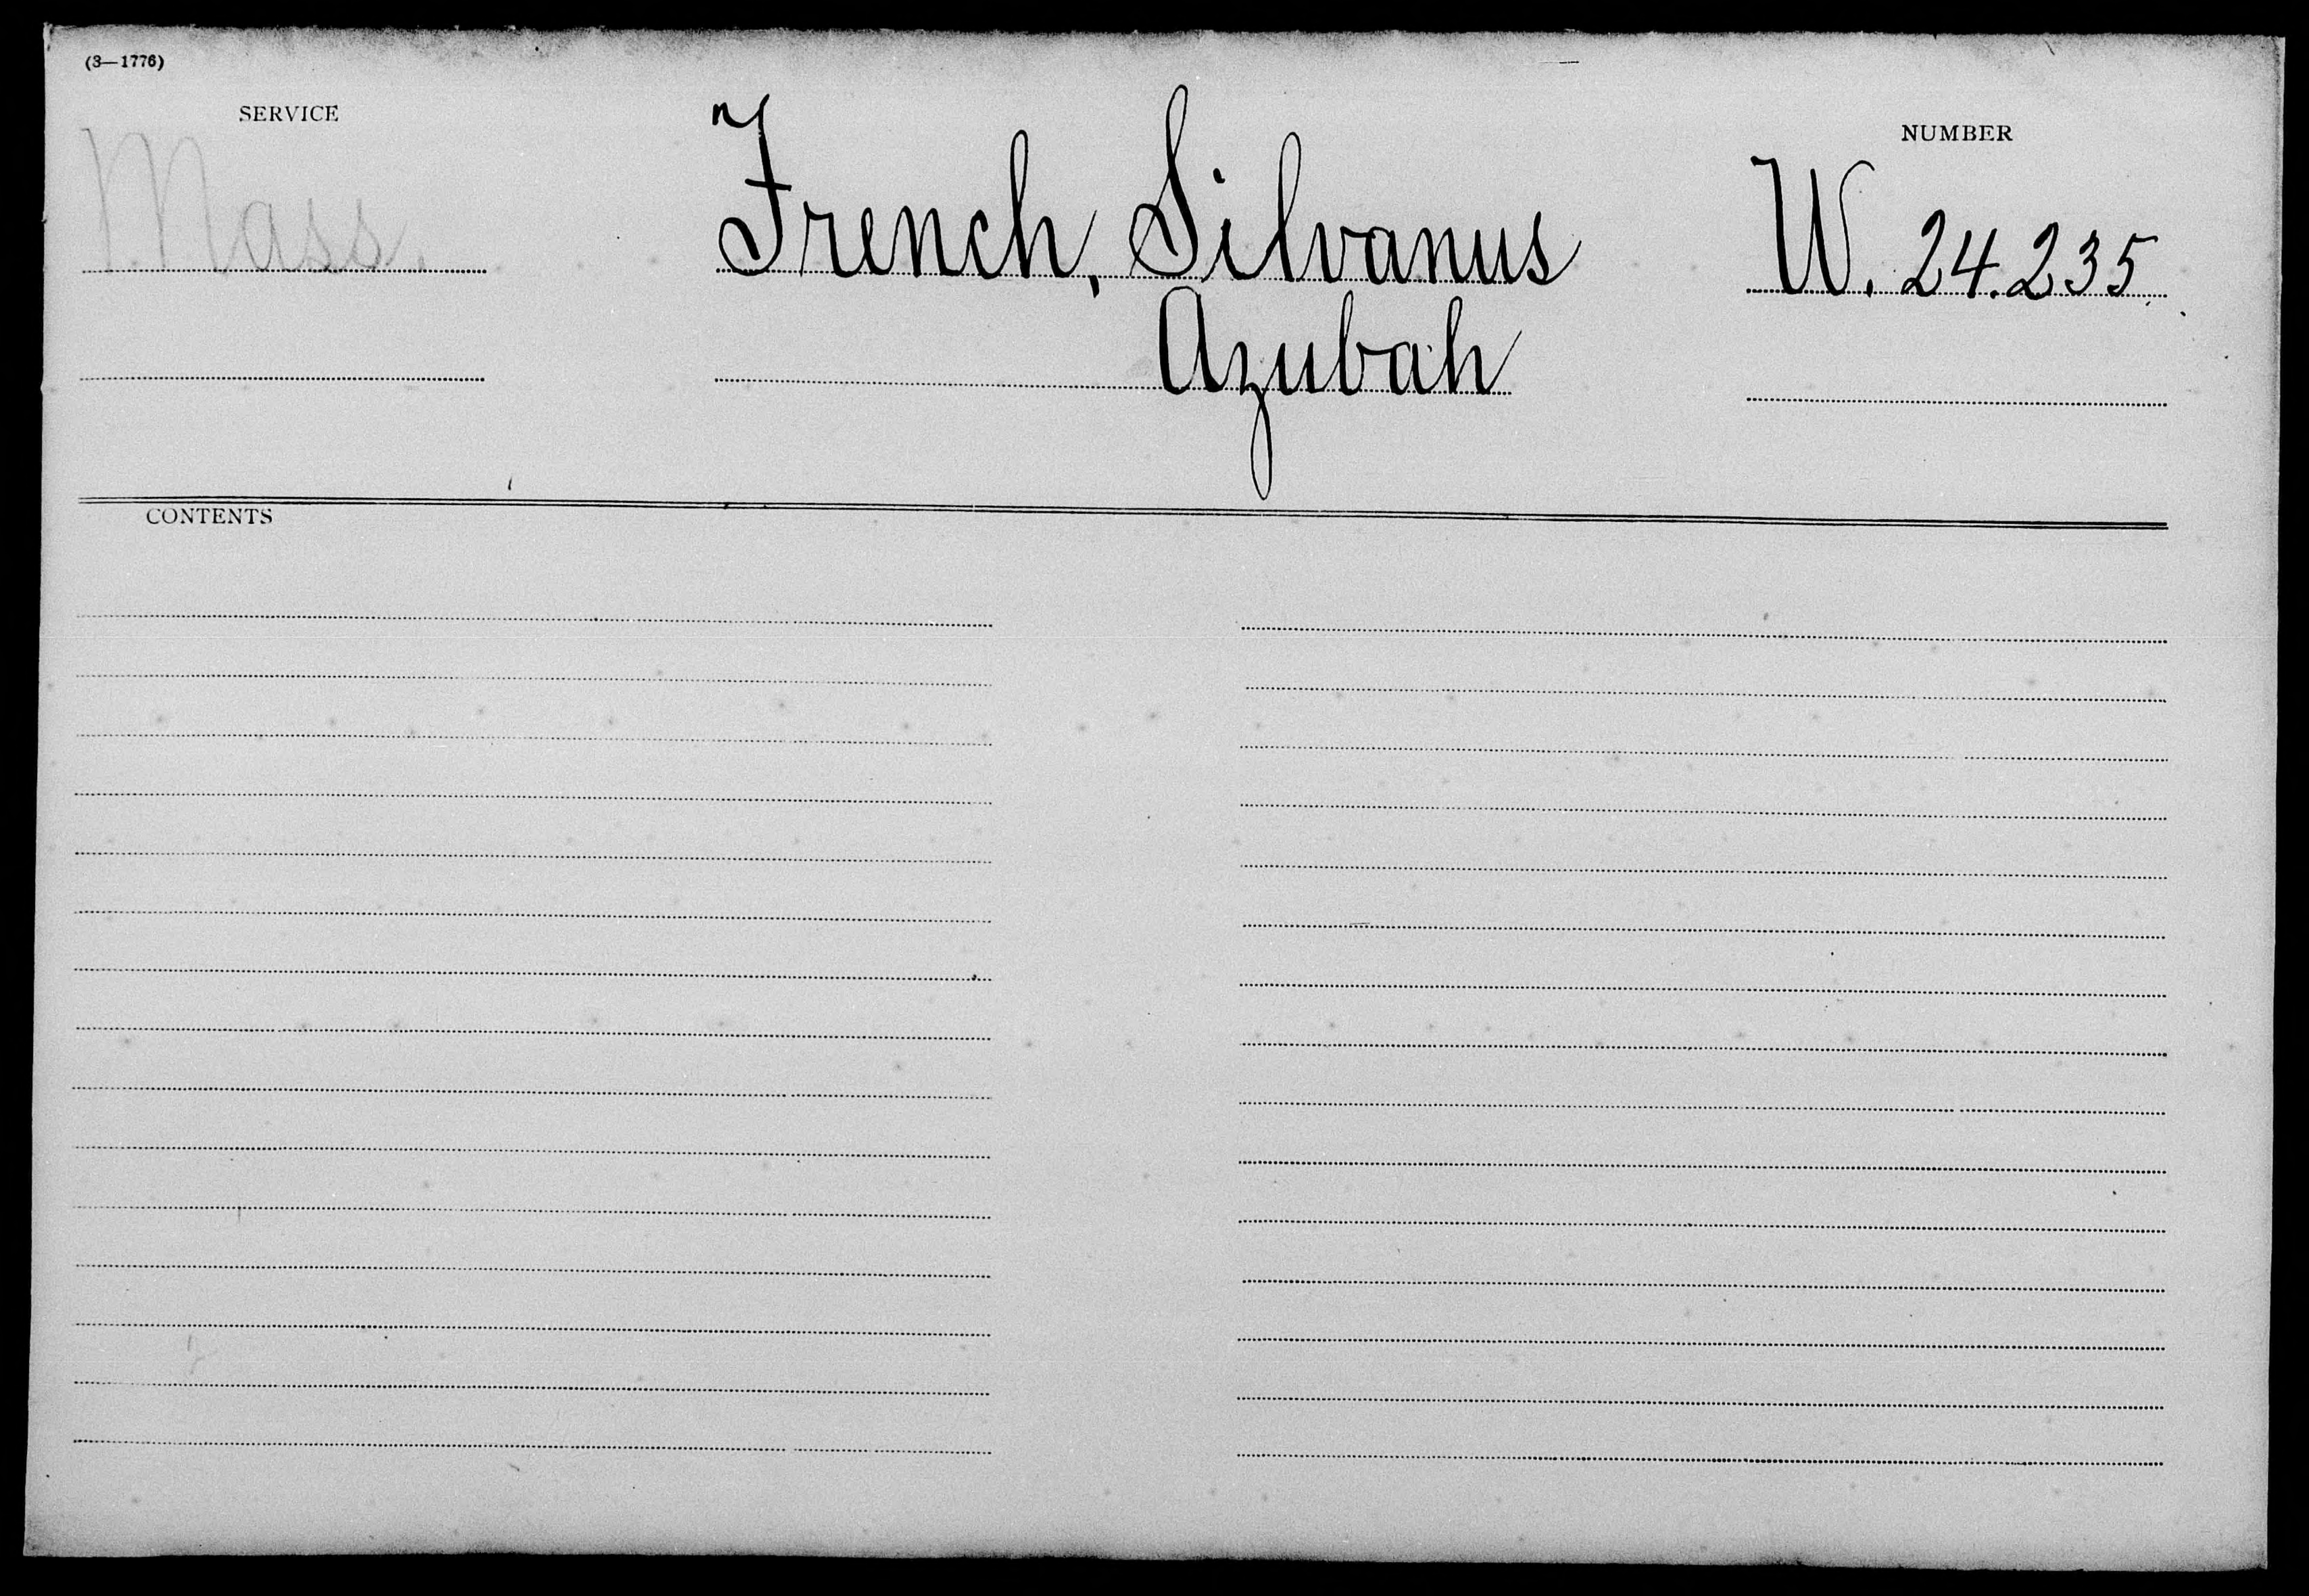Mass.   French, Silvanus    W.24235
                            Azubah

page: 1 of 38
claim: widow's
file: W. 24,235, Silvanus French, Mass.